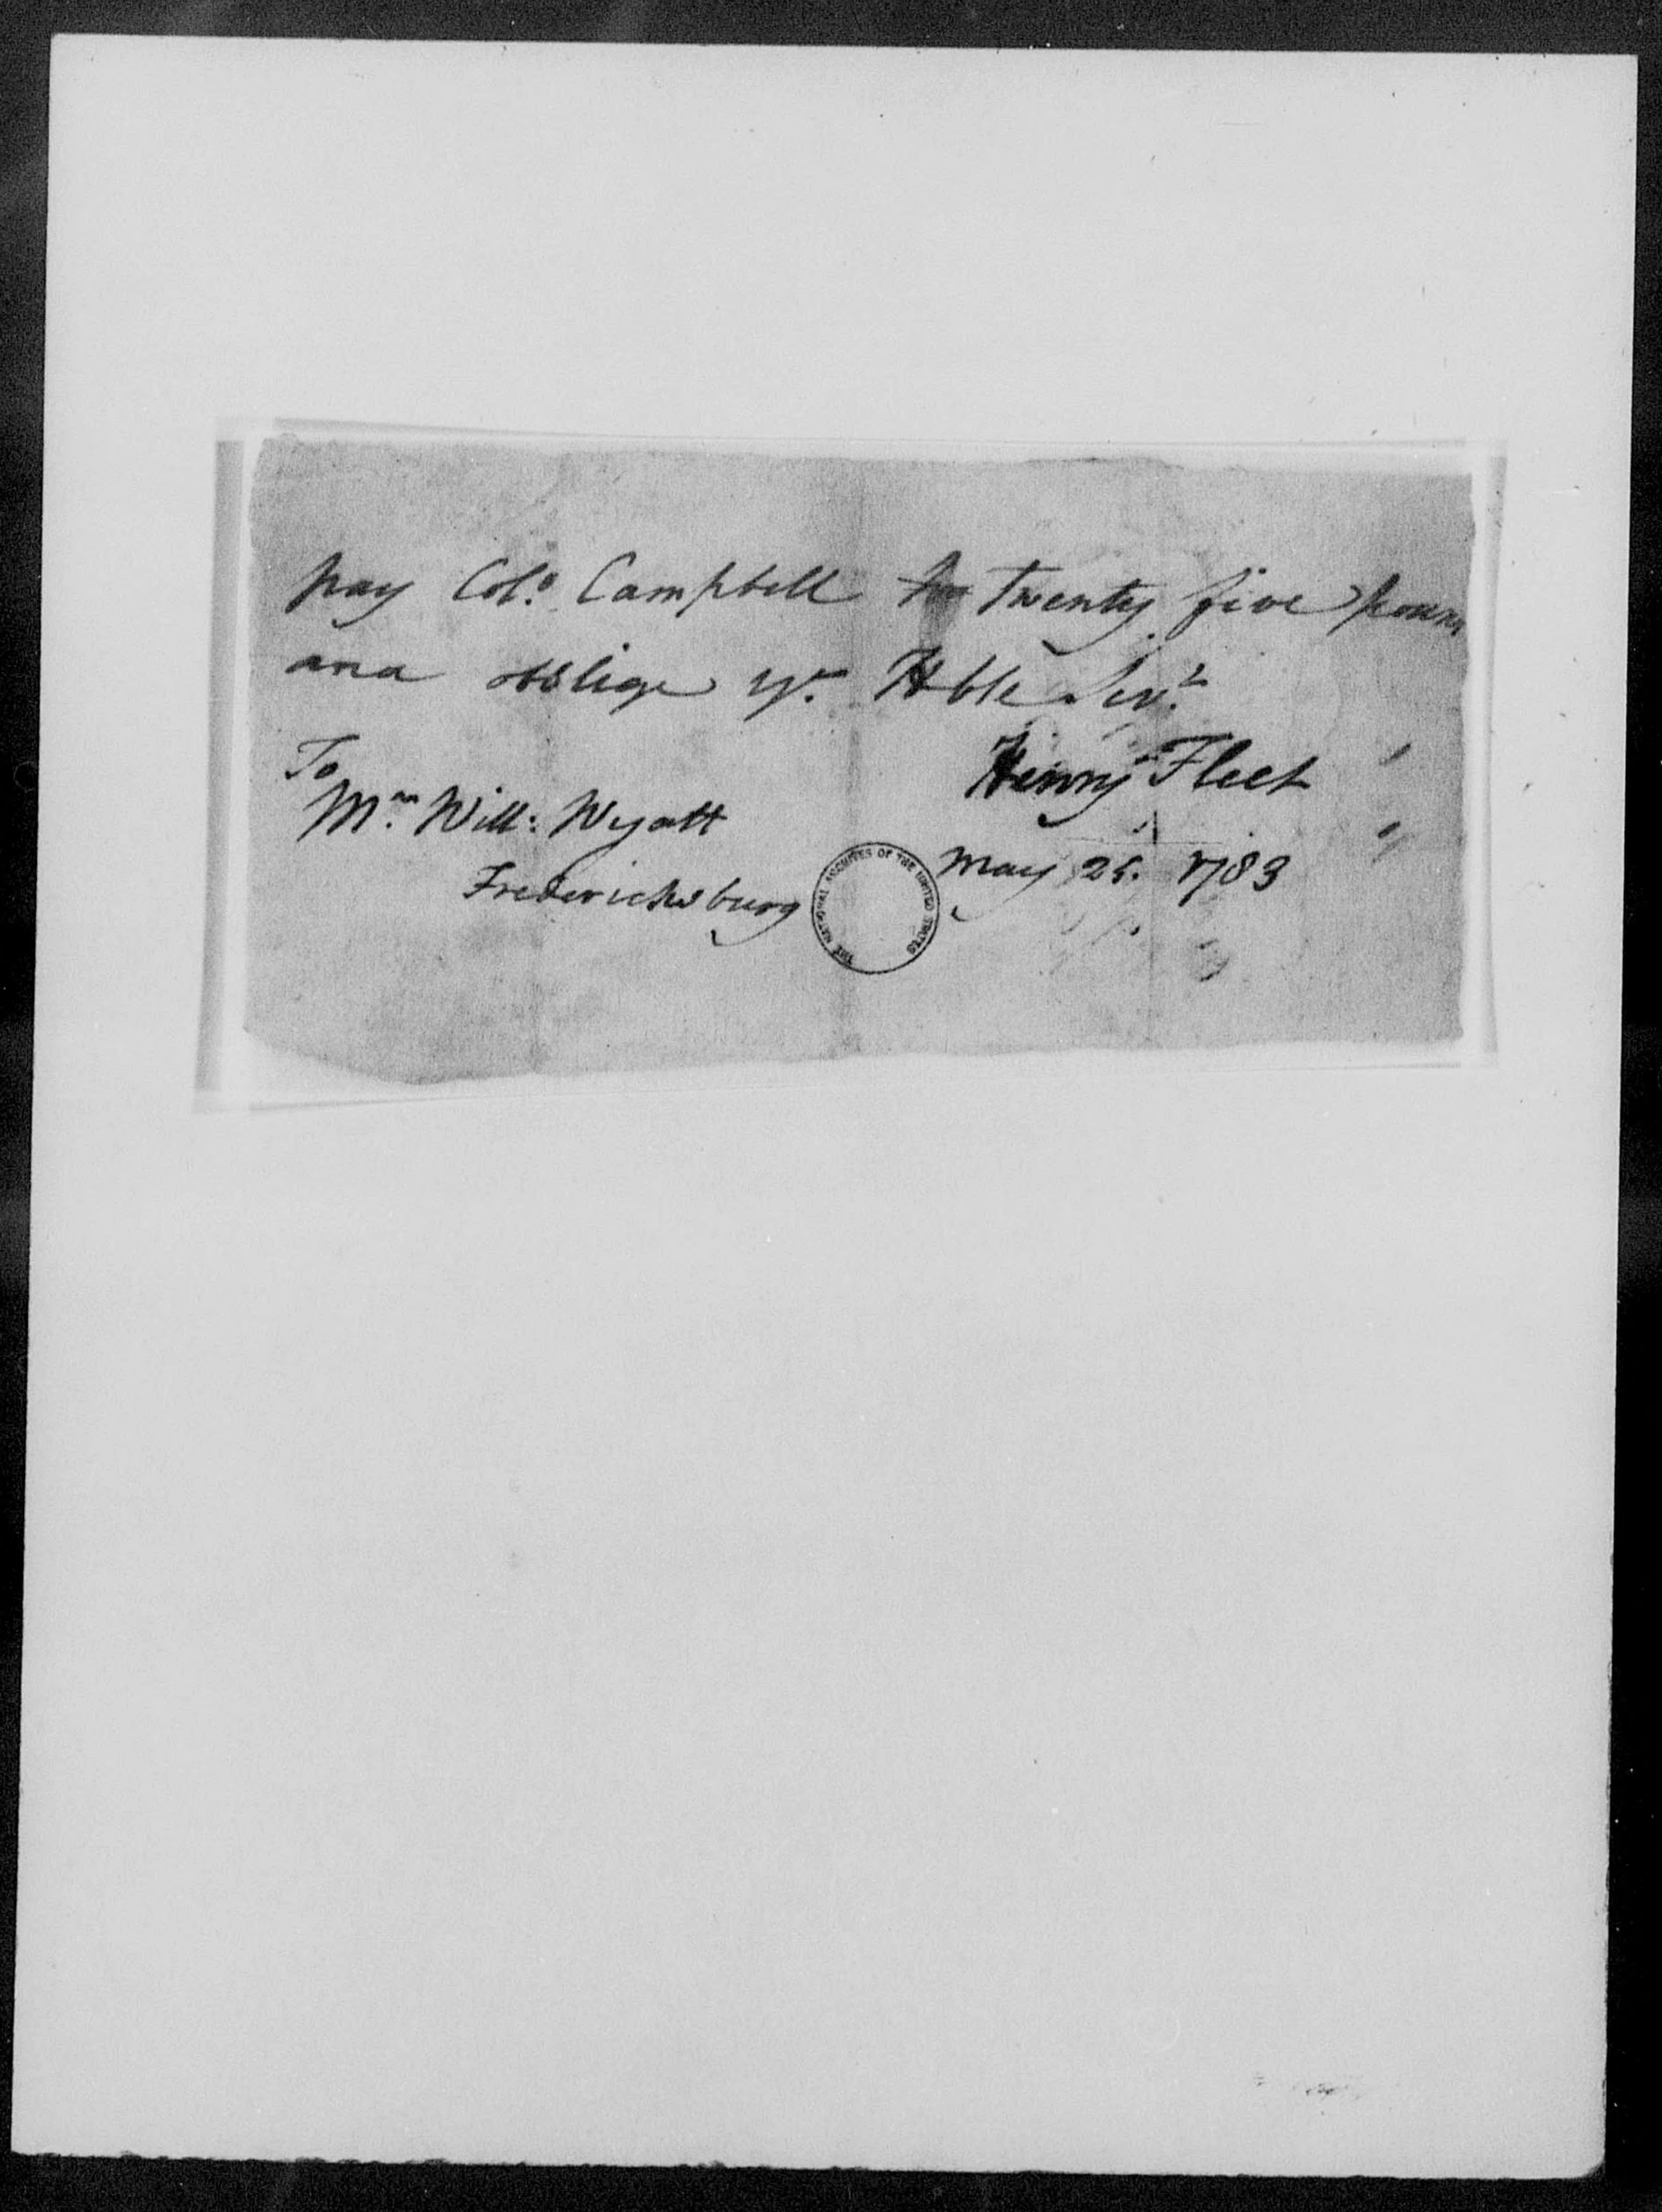pay Colo. Campbell for twenty five horses and oblige yr. Hble Sert.
Henry Fleet
May 21.  1783

To Mr. Will: Wyatt
Fredericksburg

[circular stamp stating 'The National Archives of the United States around inside]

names: Campbell, Henry Fleet, Will Wyatt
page: 33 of 267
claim: widow's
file: W. 4,149, William Campbell, Va.